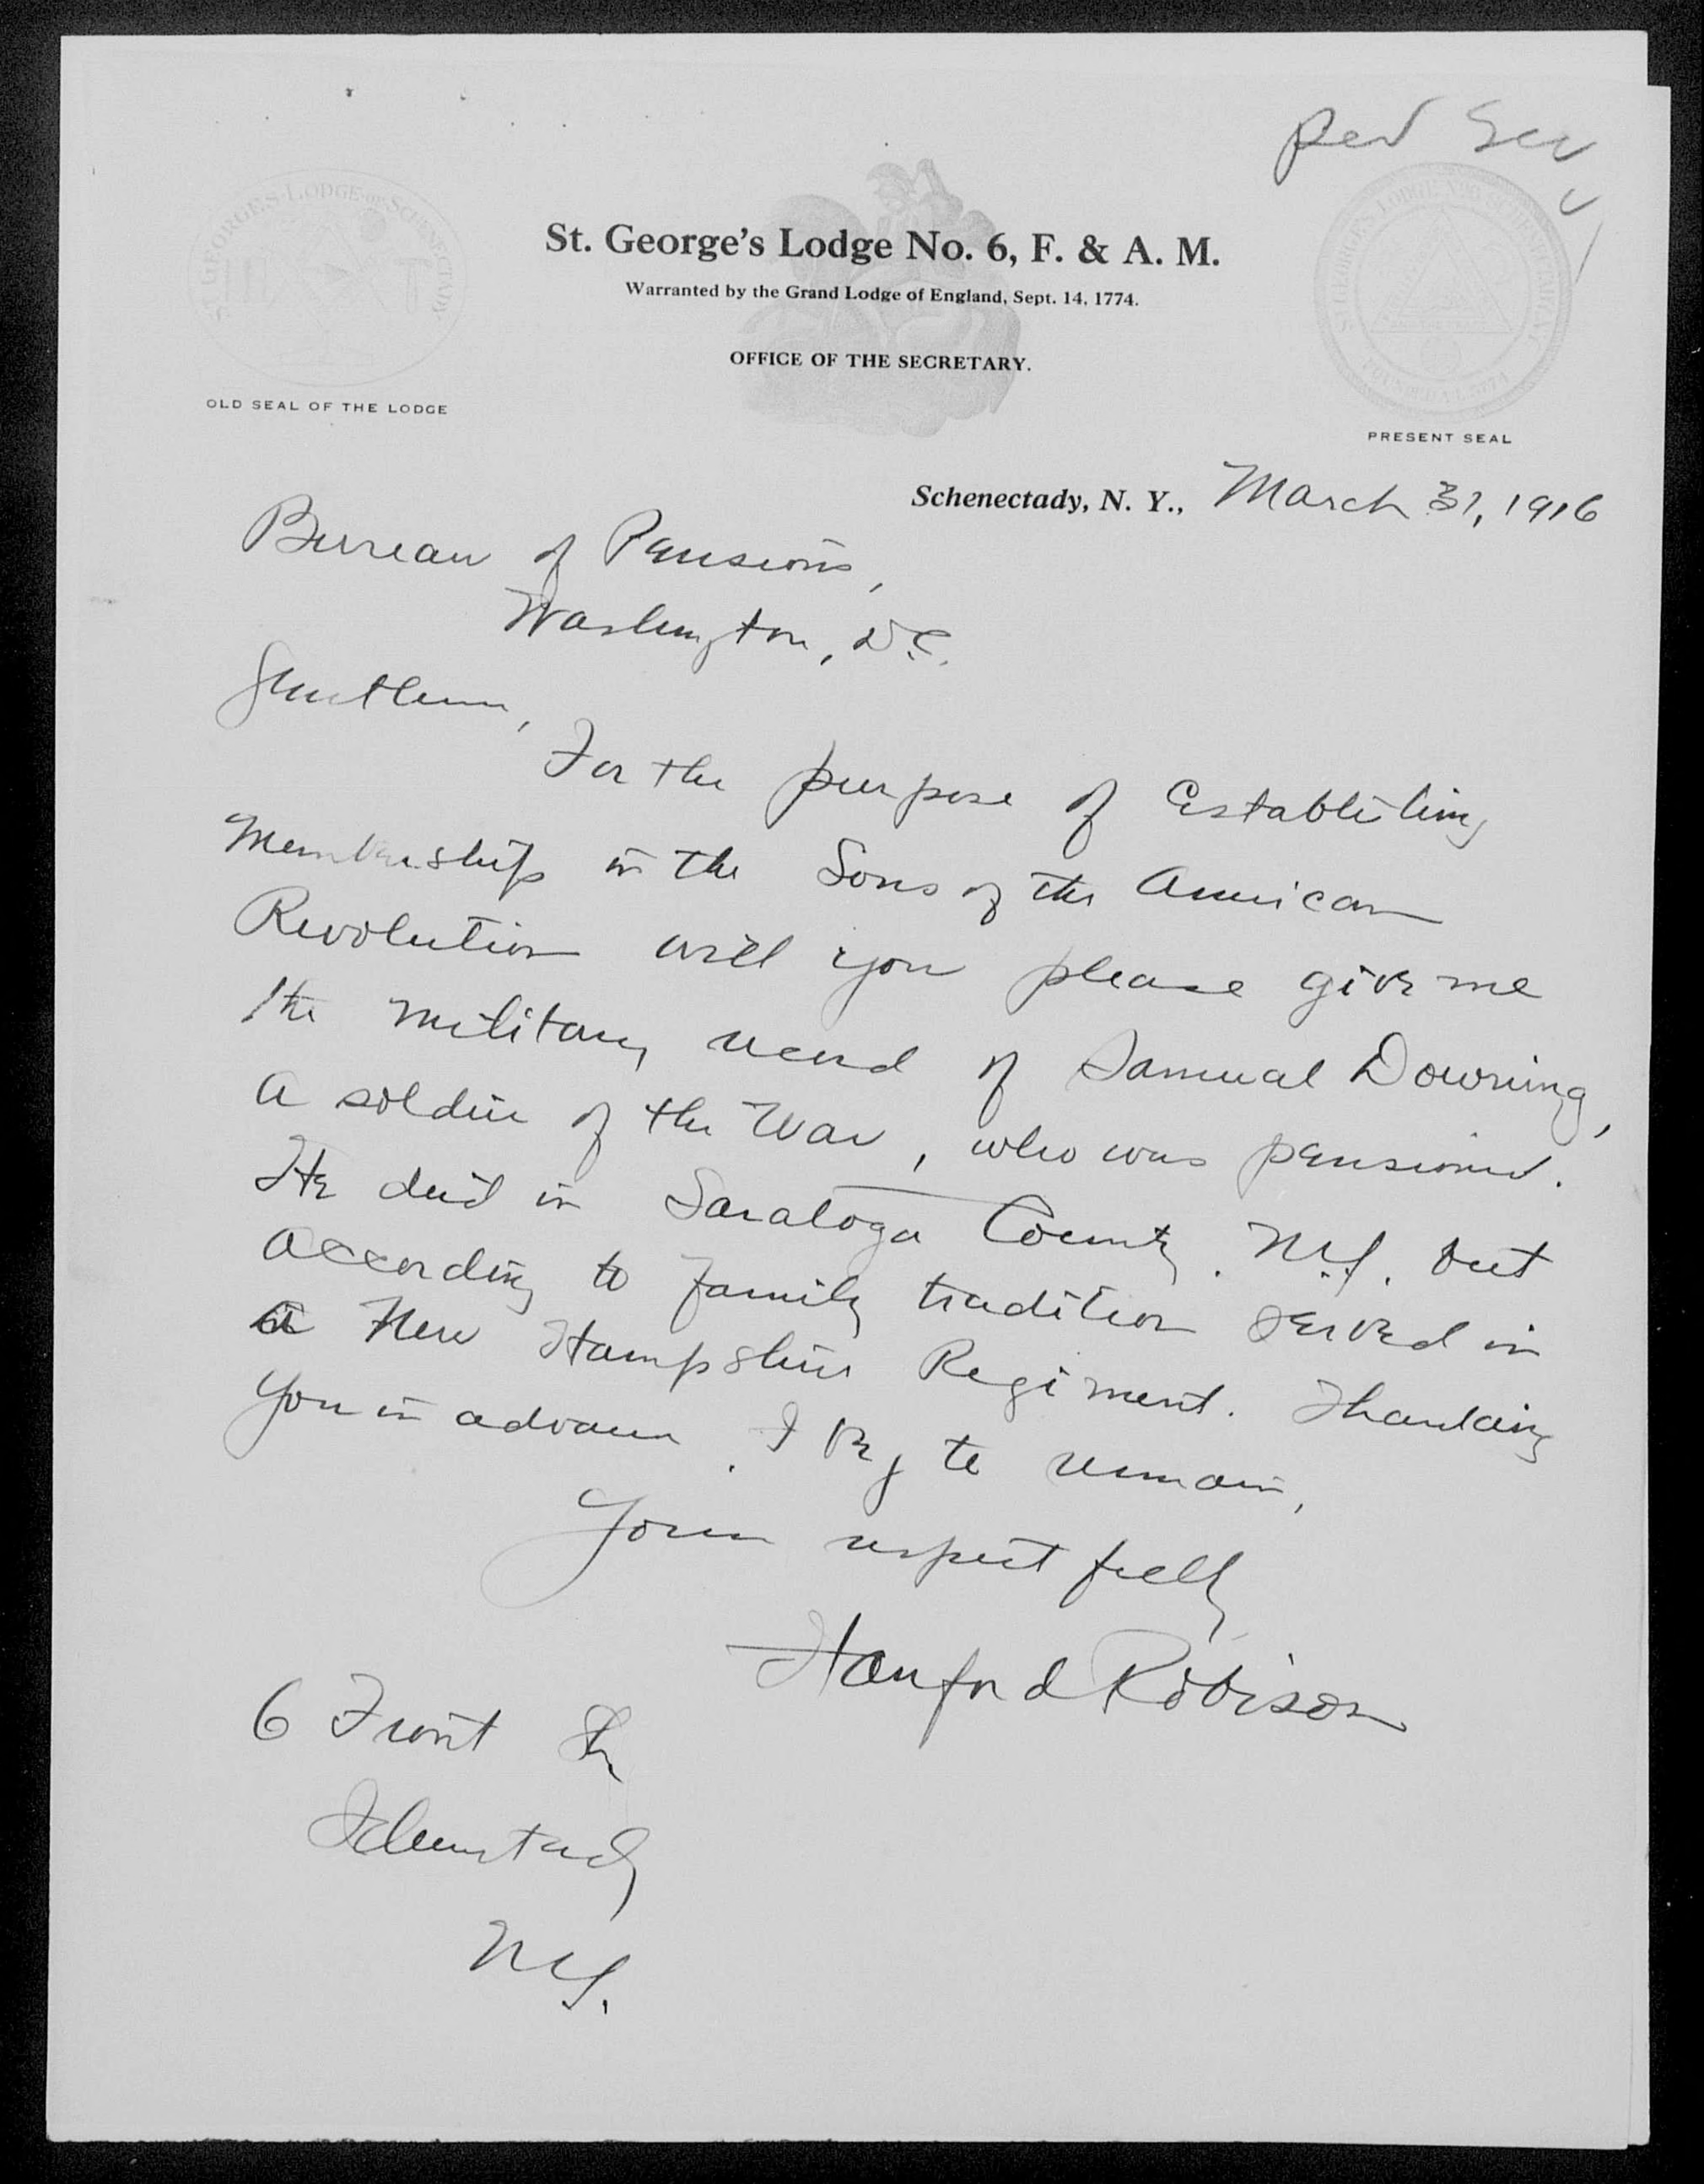Rev  Sec
St. George’s Lodge No. 6, F. & A.M.
Warranted by the Grand Lodge of England, Sept. 14, 1774.
OFFICE OF THE SECRETARY.

[Faded imprint to left]
OLD SEAL OF THE LODGE   

[Faded imprint to right]
PRESENT SEAL
Schenectady, N.Y., March 31, 1916
Bureau of Pensions
Washington, D. C.
Gentlemen,
For the purpose of establishing membership in the Sons of the American Revolution will you please give me the military record of Samuel Downing, a soldier of the War, who was pensioned. He died in Saratoga County N.Y. but according to family tradition served in a New Hampshire Regiment. Thanking you in advance  I try to remain,
Yours respectfully 
Signature of Stanford Robison
6 Front St
Schenectady NY.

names: Hanford Robison, Samual Downing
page: 36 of 56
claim: survivor's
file: S. 40,055, Samuel Downing, N.H.